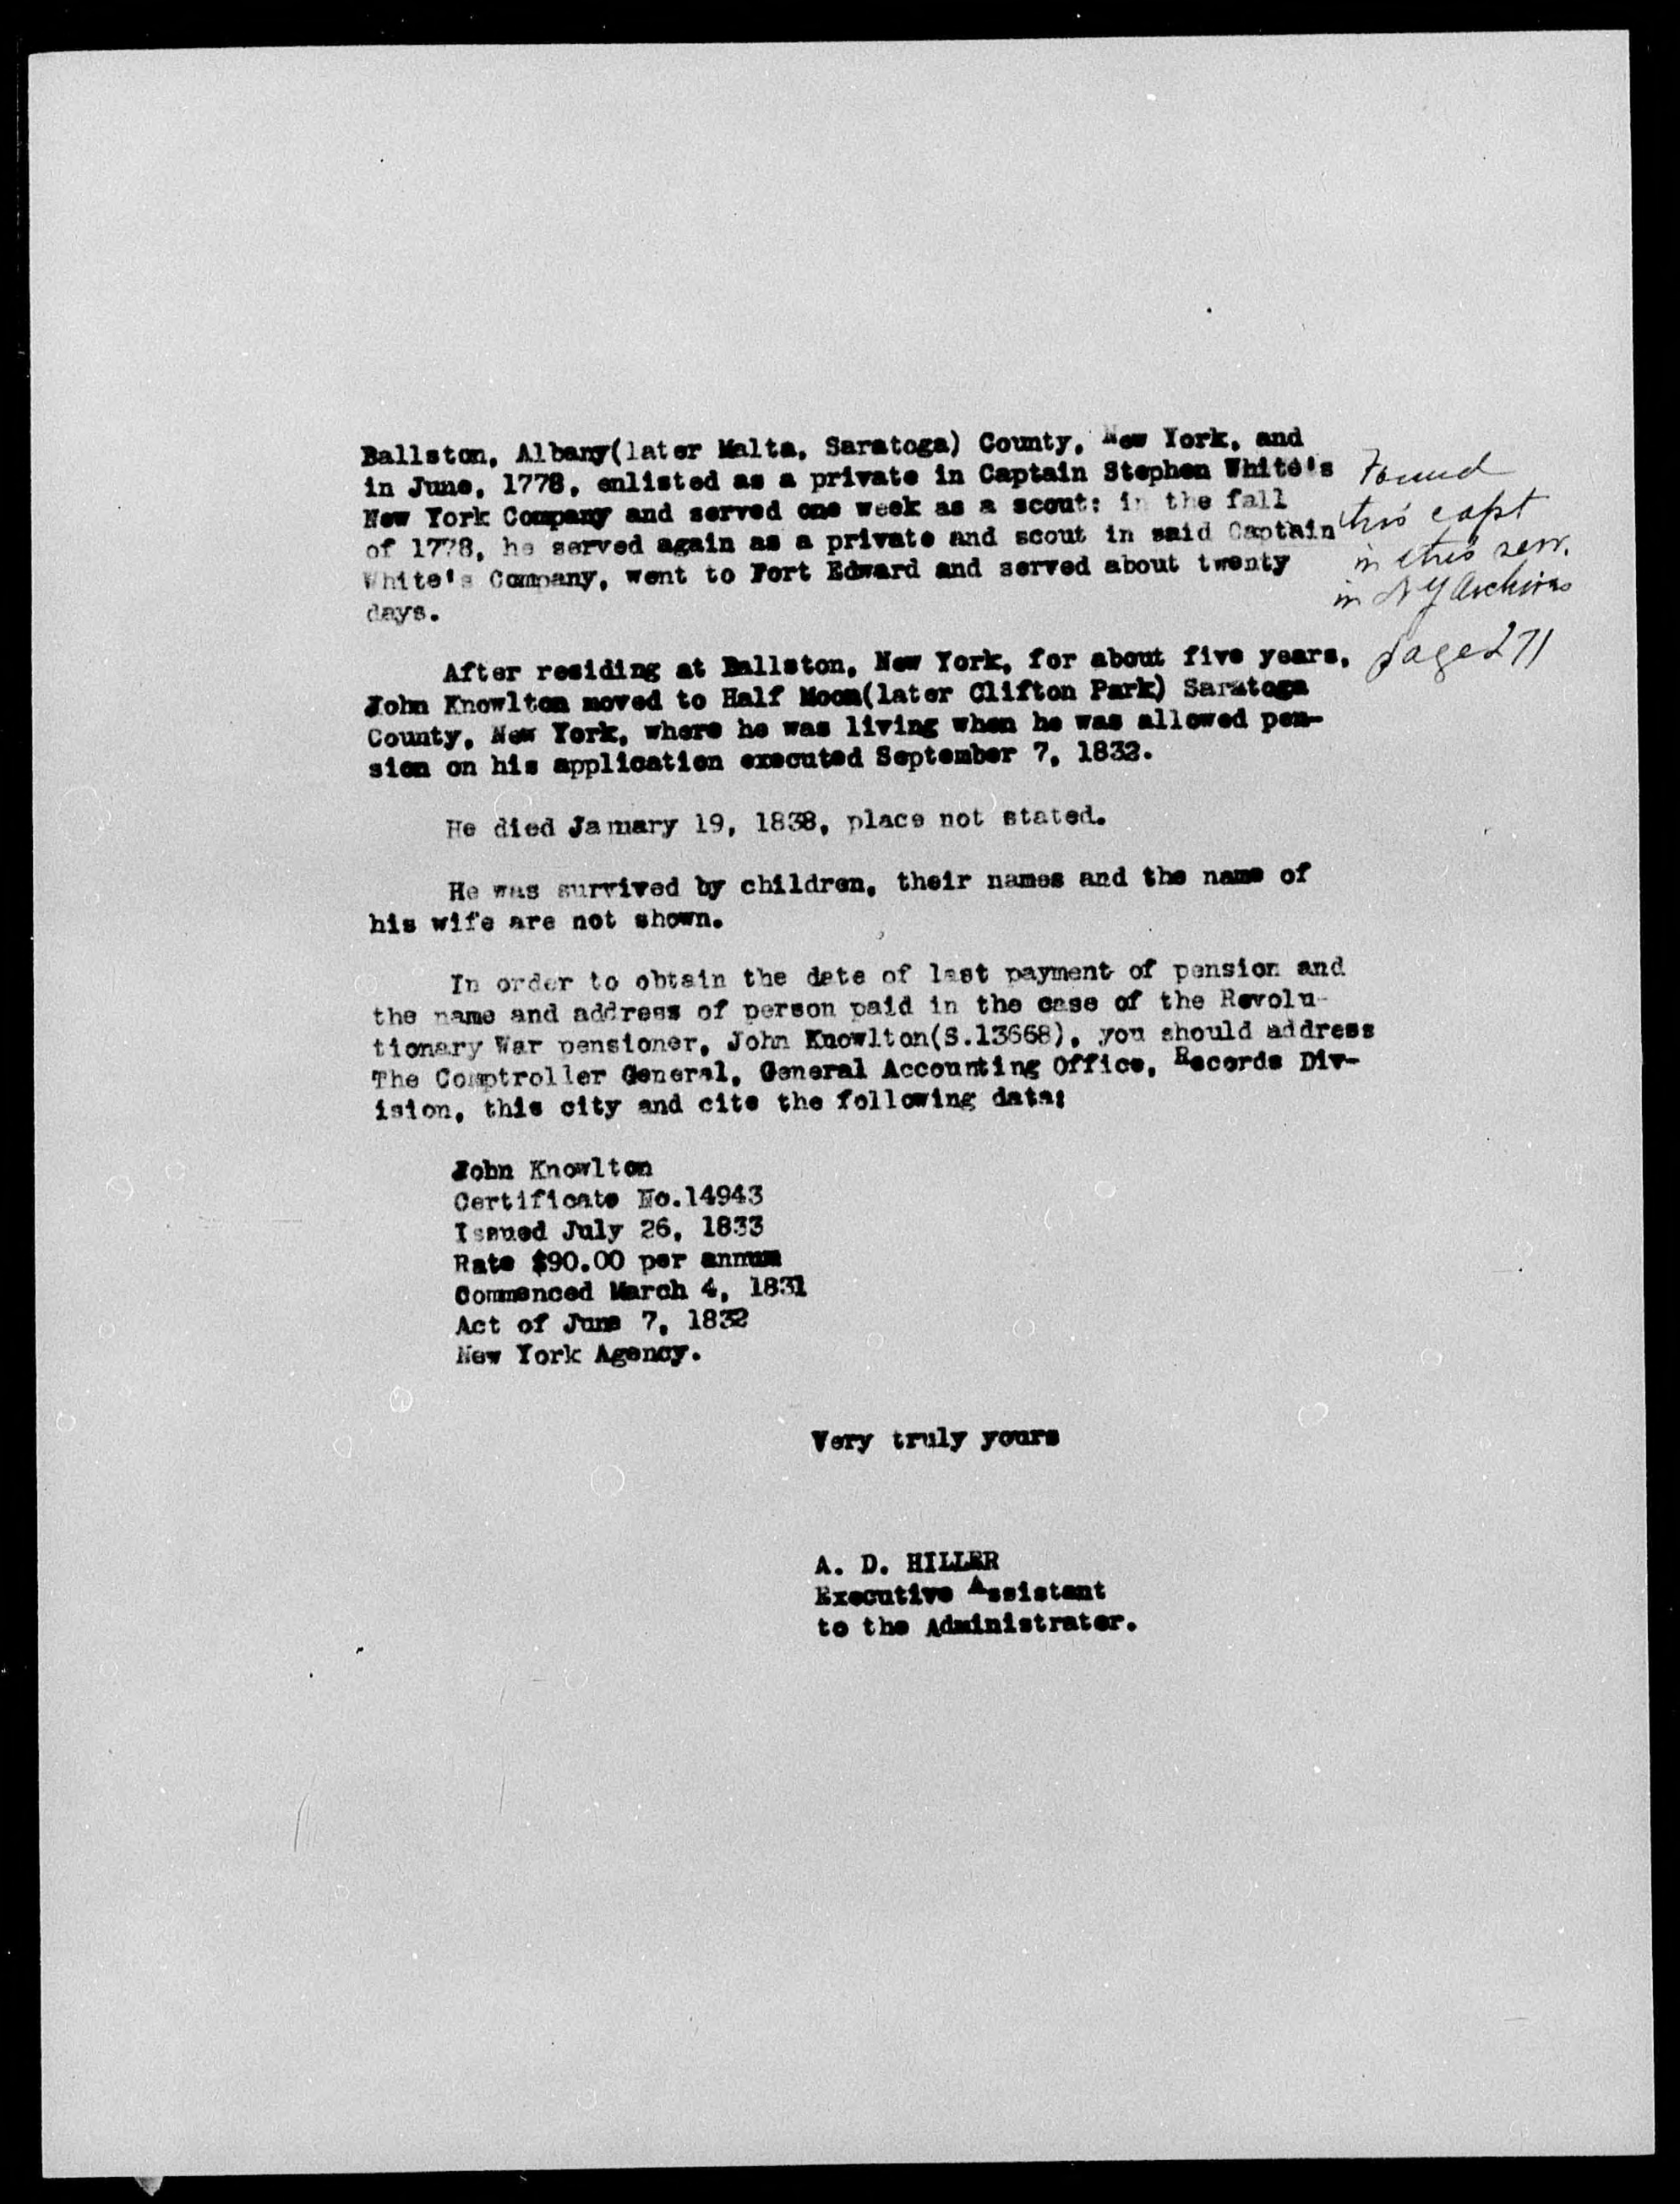Ballston, Albany (later Malta, Saratoga) County, New York, and in June, 1778, enlisted as a private in Captain Stephen White's New York Company and served one week as a scout: in the fall of 1778, he served again as a private and scout in said Captain White's Company, went to Fort Edward and served about twenty
days.

After residing at Ballston, New York, for about five years, John Knowlton moved to Half Moon (later Clifton Park) Saratoga County, New York, where he was living when he was allowed pension on his application executed September 7, 1832.
He died January 19, 1838, place not stated.
He was survived by children, their names and the name of his wife are not shown.
In order to obtain the date of last payment of pension and the name and address of person paid in the case of the Revolutionary  War pensioner, John Knowlton (S. 13668), you should address The Comptroller General, General Accounting Office, Records Division, this city and cite the following data:
John Knowlton
Certificate No. 14943
Issued July 26, 1833
Rate $90. 00 per annum
Commenced March 4, 1831
Act of June 7, 1832
New York Agency.

Very truly yours
A. D. HILLER
Executive Assistant
to the Administrator.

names: Clifton Park; A D Hiller; John Knowlton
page: 16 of 25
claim: survivor's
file: S. 13668, for John Knowlton, New York